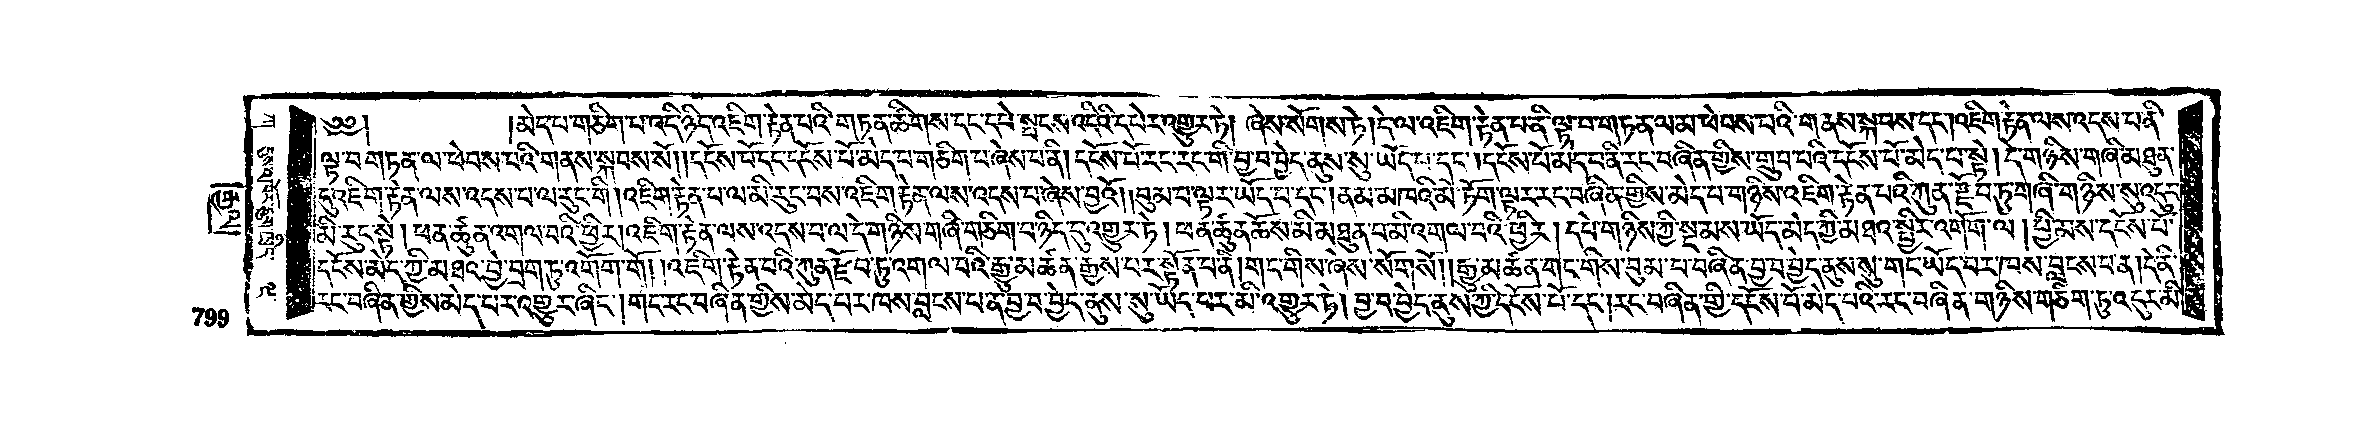༄༅། །མེད་པ་གཅིག་པ་འདི་ཉིད་འཇིག་རྟེན་པའི་གཏན་ཚིགས་དང་དཔེ་སྤངས་འདིའི་དཔེར་འགྱུར་ཏེ། ཞེས་སོགས་ཏེ། དེ་ལ་འཇིག་རྟེན་པ་ནི་ལྟ་བ་གཏན་ལམ་ཕེབས་པའི་གནས་སྐབས་དང་། འཇིག་རྟེན་ལས་འདས་པ་ནི་
ལྟ་བ་གཏན་ལ་ཕེབས་པའི་གནས་སྐབས་སོ། །དངོས་པོ་དང་དངོས་པོ་མེད་པ་གཅིག་པ་ཞེས་པ་ནི། དངོས་པོ་རང་རང་གི་བྱ་བ་བྱེད་ནུས་སུ་ཡོད་པ་དང་། དངོས་པོ་མེད་པ་ནི་རང་བཞིན་གྱིས་གྲུབ་པའི་དངོས་པོ་མེད་པ་སྟེ། དེ་གཉིས་གཞི་མཐུན་
དུ་འཇིག་རྟེན་ལས་འདས་པ་ལ་རུང་གི །འཇིག་རྟེན་པ་ལ་མི་རུང་བས་འཇིག་རྟེན་ལས་འདས་པ་ཞེས་བྱའོ། །བུམ་པ་ལྟར་ཡོད་པ་དང་། ནམ་མཁའི་མེ་ཏོག་ལྟར་རང་བཞིན་གྱིས་མེད་པ་གཉིས་འཇིག་རྟེན་པའི་ཀུན་རྫོབ་ཏུ་གཞི་གཉིས་སུ་འདུར་
མི་རུང་སྟེ། ཕན་ཚུན་འགལ་བའི་ཕྱིར། འཇིག་རྟེན་ལས་འདས་པ་ལ་དེ་གཉིས་གཞི་གཅིག་པ་ཉིད་དུ་འགྱུར་ཏེ། ཕན་ཚུན་ཆོས་མི་མཐུན་པ་མི་འགལ་བའི་ཕྱིར། དཔེ་གཉིས་ཀྱི་སྔ་མས་ཡོད་མེད་ཀྱི་མཐའ་སྤྱིར་འགོག་ལ། ཕྱི་མས་དངོས་པོ་
དངོས་མེད་ཀྱི་མཐའ་བྱེ་བྲག་ཏུ་འགོག་གོ །འཇིག་རྟེན་པའི་ཀུན་རྫོབ་ཏུ་འགལ་བའི་རྒྱུ་མཚན་རྒྱས་པར་སྟོན་པ་ནི། གང་གིས་ཞེས་སོགས་སོ། །རྒྱུ་མཚན་གང་གིས་བུམ་པ་བཞིན་བྱ་བ་བྱེད་ནུས་སུ་གང་ཡོད་པར་ཁས་བླངས་པ་ན། དེ་ནི་རང་བཞིན་གྱིས་མེད་པར་འགྱུར་ཞིང་། གང་རང་བཞིན་གྱིས་མེད་པར་ཁས་བླངས་པ་ན་བྱ་བ་བྱེད་ནུས་སུ་ཡོད་པར་མི་འགྱུར་ཏེ། བྱ་བ་བྱེད་ནུས་ཀྱི་དངོས་པོ་དང་། རང་བཞིན་གྱི་དངོས་པོ་མེད་པའི་རང་བཞིན་གཉིས་གཅིག་ཏུ་འདུར་མི་